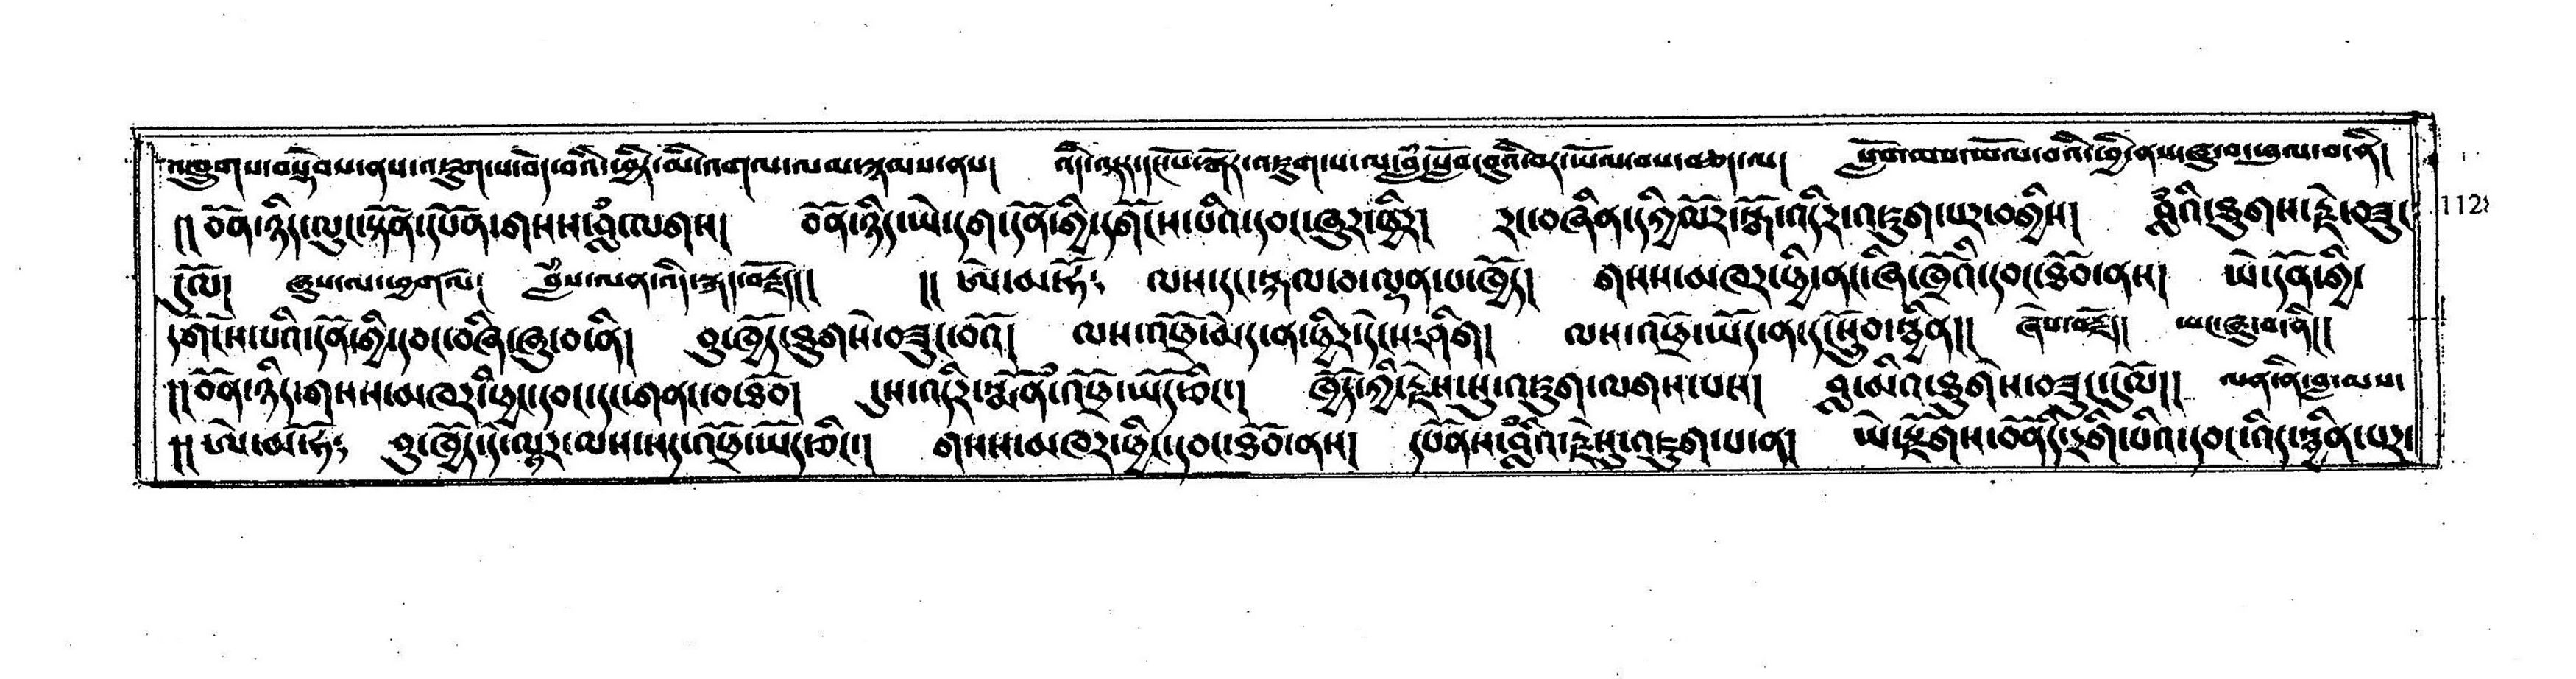འཁྲུགས་བསྡེབས་ནས་འཇུག་པ་བདེ་བའི་ཕྱིར་མི་འགལ་ལམ་སྙམ་ནས། འདི་ལྟར་དང་པོ་སྒོར་འཇུག་པ་ལ་བླ་མ་སློབ་བུའི་བར་ཡོལ་བས་བཅད་ལ། སློབ་མས་ཡོལ་བའི་ཕྱི་ནས་ཞུ་བ་ཕུལ་བ་ནི། 
།།བོན་ཉིད་ལུང་སྟོན་དཔོན་གསས་བླ་མ་ལགས། བོན་ཉིད་ཡེ་དག་དོན་གྱི་དགོངས་པའི་དབང་ཞུར་ཕྱིར། རང་བཞིན་དཀྱིལ་འཁོར་སྒོ་འདིར་འཇུག་པར་བགྱིས། བླ་མའི་ཐུགས་རྗེ་བཟུང་
དུ་གསོལ། ཞུས་ལ་ཕྱག་འཚལ། བླ་མས་ལན་འདི་སྐད་བརྗོད།། །།ཨེ་མ་ཧོ ལས་དང་སྐལ་བ་ལྡན་པ་ཁྱོད། གསས་མཁར་ཕྱི་ནང་ཞི་ཁྲོའི་དབང་ཐོབ་ནས། ཡེ་དོན་གྱི་
དགོངས་པའི་དོན་གྱི་དབང་བཞི་ཞུ་བ་ནི། བུ་ཁྱོད་ཐུགས་རྗེ་བཟུང་བའོ། ལས་འཕྲོ་མེད་ན་ཕྱིར་དེངས་ཤིག ལས་འཕྲོ་ཡོད་ན་དངོས་གྲུབ་སྦྱིན།། ཞེས་བརྗོད།། ཡང་ཞུ་བ་ནི།། 
།།བོན་ཉིད་གསས་མཁར་ཕྱི་ནང་དབང་དང་གནང་བ་ཐོབ། དུས་འདིར་སྨོན་ལམ་འཕྲོ་ཡོད་ཅིང་། ཁྱོད་ཀྱི་རྗེས་སུ་འཇུག་ལགས་པས། བླ་མའི་ཐུགས་རྗེ་བཟུང་དུ་གསོལ།། །ལན་ནི་བླ་མས་
།།ཨེ་མ་ཧོ བུ་ཁྱོད་དེ་ལྟར་ལས་སད་འཕྲོ་ཡོད་ཅིང་། གསས་མཁར་ཕྱི་ནང་དབང་ཐོབ་ནས། དཔོན་གསས་བླ་མའི་རྗེས་སུ་འཇུག་པ་ན། ཡེ་རྫོགས་བོན་ཉིད་རིག་པའི་དབང་འདི་སྦྱིན་པར་